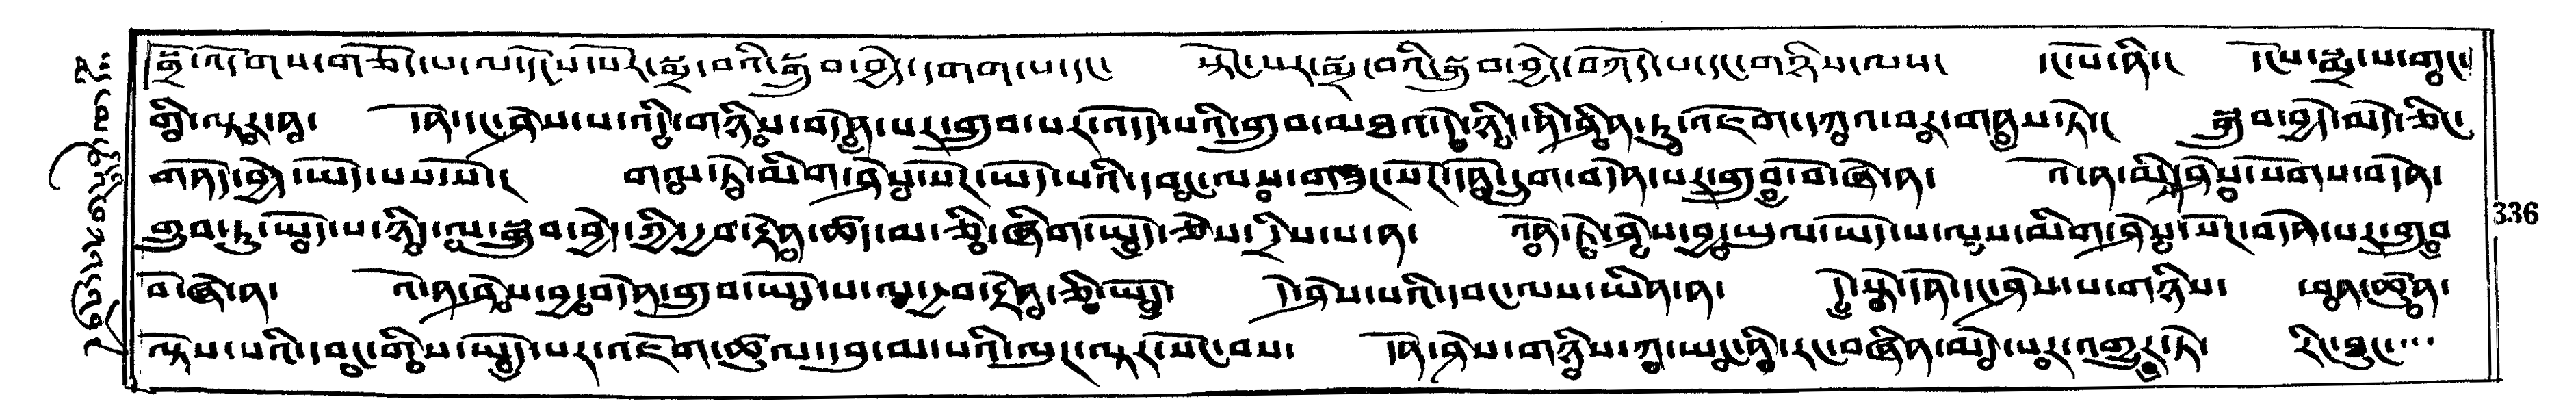སྒྲོ་འདོགས་གཅོད་པ་ལ། དངོས་པོར་སྨྲ་བའི་སྒྲུབ་བྱེད་དགག་པ་དང་། སྟོང་པར་སྨྲ་བའི་སྒྲུབ་བྱེད་འགོད་པ་གཉིས་ལས། དང་པོ་ནི། དངོས་སྨྲ་པ་གང་
གི་ལྟར་ན། དོན་དང་ཤེས་པ་འདི་གཉིས་བདེན་པར་གྲུབ་པར་འདོད་པའི་གྲུབ་མཐའ་དེ་ཉིད་ནི་ཤིན་ཏུ་འཇོག་དཀའ་བར་གནས་ཏེ། སྒྲུབ་བྱེད་མེད་ཅིང་
གནོད་བྱེད་ཡོད་པས་སོ།། གལ་ཏེ་མིག་ཤེས་སོགས་ཡོད་པའི་དབང་ལས་གཟུགས་སོགས་དོན་དྲུག་བདེན་པར་གྲུབ་བོ་ཞེ་ན། འོ་ན་མི་གཤེས་སོགས་བདེན་
གྲུབ་ཏུ་ཡོད་པ་ཉིད་ལ་སྒྲུབ་བྱེད་ཀྱི་རྒྱབ་རྟེན་ཚད་མ་ཅི་ཞིག་ཡོད་ཅེས་དྲིས་པ་ན། འོན་ཏེ་ཤེས་བྱ་ཡུལ་ཡོད་པ་ལས་མིག་ཤེས་སོགས་བདེན་པར་གྲུབ་
བོ་ཞེ་ན། འོ་ན་ཤེས་བྱ་བདེན་གྲུབ་ཡོད་པ་ལ་རྒྱབ་རྟེན་ཅི་ཡོད། དེ་ཤེས་པའི་དབང་ལས་ཡིན་ན། དེ་སྟེ་དོན་དང་ཤེས་པ་གཉིས་ཕན་ཚུན་
བལྟོས་པའི་དབང་གིས་ཡོད་པར་འཇོག་ཚུལ་དབུ་མ་པའི་ལུགས་ལྟར་སོང་བས། དོན་ཤེས་གཉིས་ཀ་ཡང་ནི་རང་བཞིན་མེད་པར་འགྱུར་ཏེ། རིང་ཐུང་